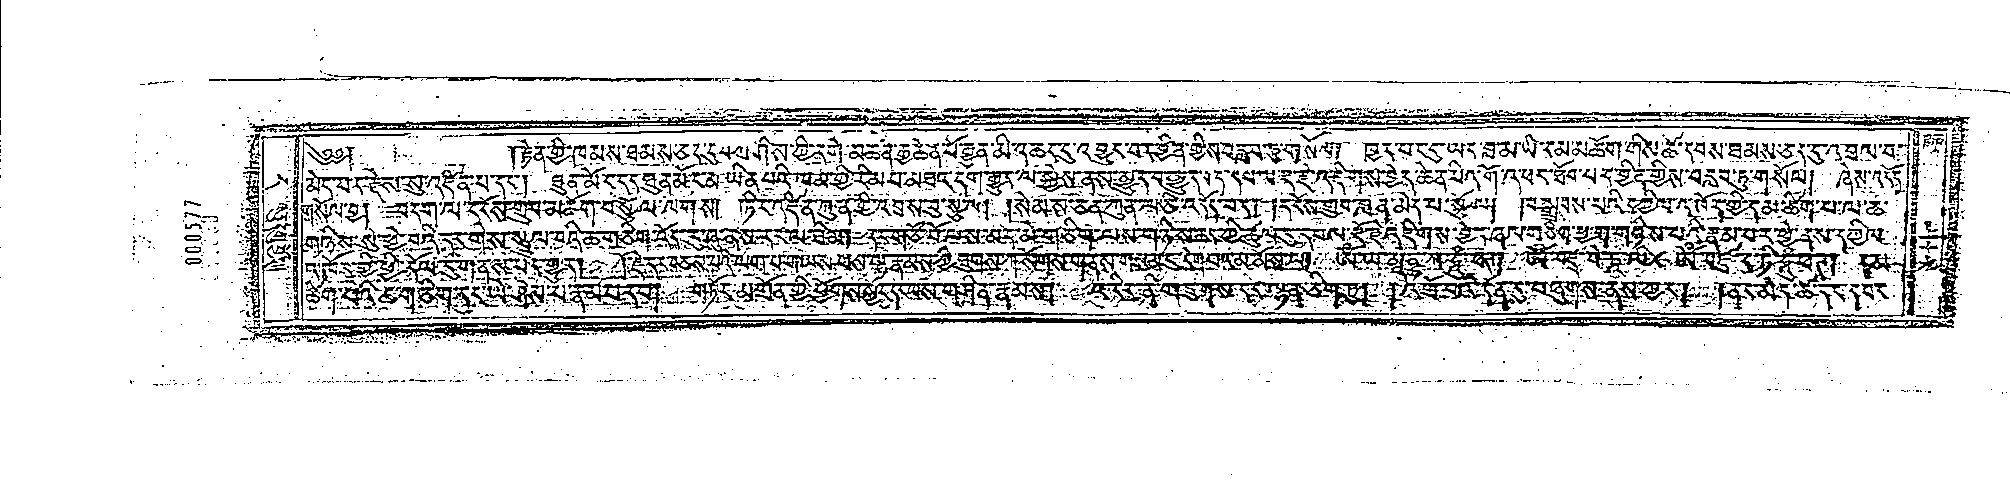༄༅། །རྟེན་གྱི་ཁམས་ཐམས་ཅད་དུ་བཀྲ་ཤིས་ཀྱི་དགེ་མཚན་རྒྱ་ཆེན་པོ་རྒྱུན་མི་འཆད་དུ་འབྱུང་བར་བྱིན་གྱིས་བརླབ་ཏུ་གསོལ། ཁྱད་པར་དུ་ཡང་བླ་མ་ཡི་དམ་མཆོག་གིས་ཚེ་རབས་ཐམས་ཅད་དུ་འབྲལ་བ་
མེད་པར་རྗེས་སུ་འཛིན་པ་དང་། ཐུན་མོང་དང་ཐུན་མོང་མ་ཡིན་པའི་ལམ་གྱི་རིམ་པ་མཐའ་དག་རྒྱུད་ལ་སྐྱེས་ནས་མྱུར་བ་མྱུར་བར་དཔལ་རྡོ་རྗེ་འཇིགས་བྱེད་ཆེན་པའི་གོ་འཕང་ཐོབ་པར་བྱིན་གྱིས་བརླབ་ཏུ་གསོལ། ཞེས་འདོད་
གསོལ་བྱ། བདག་ལ་དངོས་གྲུབ་མཆོག་བསྩོལ་ལགས། །ཏིང་འཛིན་ཀུན་གྱི་འབྲས་བུ་སྩལ། །སེམས་ཅན་ཀུན་ལ་ཅི་འདོད་བར། །དངོས་གྲུབ་བླ་ན་མེད་པ་སྩོལ། །བསྒྲུབས་པའི་དཀྱིལ་འཁོར་གྱི་དམ་ཚིག་པ་ལ་ཆ་
གཉིས་སུ་ཕྱེ་བའི་རང་གིས་སྤྲུལ་བའི་ཆ་གཅིག་འོད་དུ་ཞུ་ནས་རང་ལ་ཐིམ། རང་གཙོ་བོ་ལས་མར་མེ་གཅིག་ལས་གཉིས་ཆད་ཀྱི་ཚུལ་དུ་དཔལ་རྡོ་རྗེ་འཇིགས་བྱེད་ཞལ་གཅིག་ཕྱག་གཉིས་པའི་རྣམ་པར་ཕྱེ་ནས་དཀྱིལ་
འཁོར་གྱི་ཕྱི་རོལ་དུ་གནས་པར་གྱུར། རྡོ་རྗེ་དང་བཅས་པའི་ལག་པ་གཡས་པས་ལྷ་རྣམས་ཀྱི་ཐུགས་ཀ་སོགས་གནས་གསུམ་དུ་རེག་བའམ་མོས་ལ། ཨོཾ་ཡ་མཱནྟ་ཀ་ཧཱུཾ་ཕཊ། ཨོཾ་བཛྲ་བེ་ཏཱ་ལི་྾་ཨོཾ་བཛྲ་ར་ཏི་ཧཱུཾ་ཕཊ། དམ་
ཚིག་པའི་ཆ་གཅིག་དང་ཡེ་ཤེས་པ་རྣམ་པར་བ། གཏོར་མགྲོན་གྱི་ཕྱོགས་སྐྱོང་དང་ལས་གཤིན་རྣམས། འདིར་ནི་གཟུགས་དང་ལྷན་ཅིག་ཏུ། །འགྲོ་བའི་དོན་དུ་བཞུགས་ནས་ཀྱང་། །ནད་མེད་ཚེ་དང་དབང་